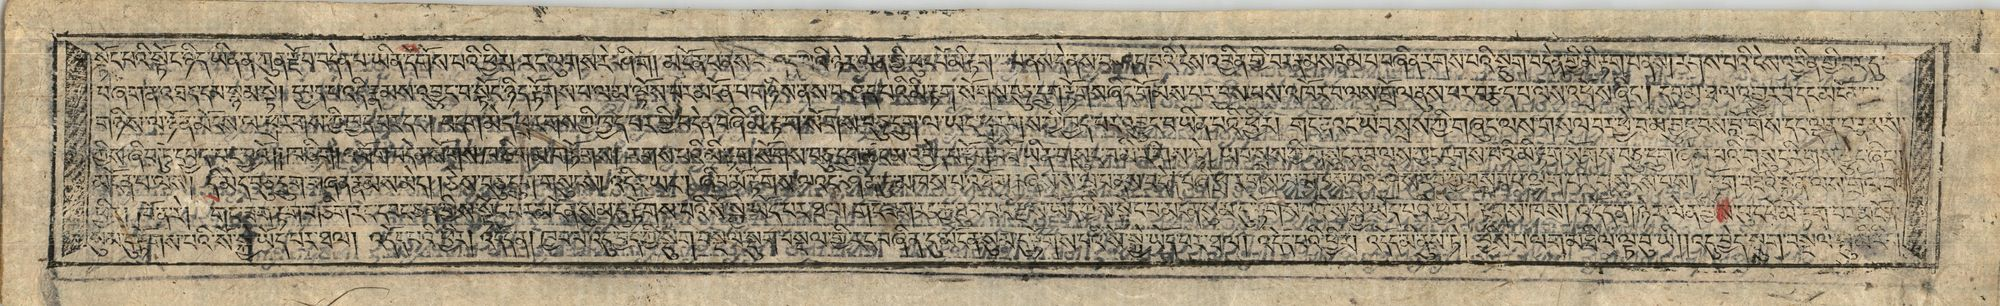སྟོང་པའི་སྟོང་ཉིད་ཡིན་ན་ཀུན་རྫོབ་བདེན་པ་ཡིན་དགོས་པའི་ཕྱིར། རང་ལུགས་རེ་ཤིག །མངོན་པ་ནས་བཤད་པའི་ཉེར་ལེན་གྱི་ཕུང་པོ་མི་རྟག་པ་ནས་དེ་ནས་བཤད་པའི་ངེས་འབྱིན་གྱི་བར་རྣམས་རིམ་པ་བཞིན་རགས་པའི་སྡུག་བདེན་གྱི་མི་རྟག་པ་ནས། རགས་པའི་ངེས་འབྱིན་གྱི་བར་དུ་
བཞག་ན་འཐད་དམ་སྙམ་སྟེ། དཔྱད་པ་འདི་རྣམས་འབྱུང་བ་སྟོང་ཉིད་རྟོགས་པ་ལ་མ་ལྟོས་པར་མངོན་པ་གཉིས་ནས་བཤད་པའི་མི་རྟག་སོགས་བཅུ་དྲུག་རྟོགས་ཞིང་གོམས་པར་བྱས་པས་འཁོར་བ་ལས་གྲོལ་ནུས་པར་བརྩད་པ་ལས་འཕྲོས་ཞིང་། དབུ་མ་ཐལ་འགྱུར་བ་དང་མངོན་པ་
གཉིས་ལ་ཉོན་མོངས་ལ་ཕྲ་རགས་ཀྱི་ཁྱད་པར་དང་། བདག་མེད་ཕྲ་རགས་ཀྱི་ཁྱད་པར་གྱིས་བདེན་བཞི་མི་རྟག་སོགས་བཅུ་དྲུག་ལ་ཡང་ཕྲ་རགས་ཀྱི་ཁྱད་པར་འབྱུང་བ་ཡིན་པའི་ཕྱིར། གང་ནའང་ཡབ་སྲས་ཀྱི་གཞུང་ལས་གསལ་བར་ཕྱེ་བ་མ་བྱུང་བས་བློ་གྲོས་དང་ལྡན་པ་རྣམས་
ཀྱིས་ཞིབ་ཏུ་དཔྱད་པར་བྱའོ། །ཁ་ཅིག །འགོག་བདེན་སོགས་ཁ་ཅིག་མ་གཏོགས། རགས་པའི་མི་རྟག་སོགས་བཅུ་དྲུག་ཚང་མ་འབྱེད་པ་རྟོག་བཟོ་ཡིན་གསུང་བ་མི་རིགས་ཏེ། ཡབ་སྲས་ཀྱི་གསུང་རབ་ལས་ཀྱང་རགས་པའི་མི་རྟག་སོགས་བཅུ་དྲུག་ཞེས་པའི་གསུང་རིགས་བྱུང་ཞིང་།
མངོན་པ་ལས། དྲི་མེད་བཅུ་དྲུག་གཞན་རྣམས་མེད། །ཅེས་བཅུ་དྲུག་གསུངས། འདིར་ཡང་། ཞིབ་མོ་རྟོགས་ལའང་ཤིན་ཏུ་མཁས་པ་འཐོབ། །ཞེས་ས་ལྔ་པ་ནས་བདེན་བཞི་ཕྲ་རགས་ལ་མཁས་པའི་ཤེས་རབ་ཀྱི་བསླབ་པ་ལྷག་པར་གསུངས་པས། རྟོག་བཟོའིསྐྱོན་ལས་གྲོལ་བའི་
ཕྱིར། ཁོ་ན་རེ། གང་ཟག་རྟག་གཅིག་རང་དབང་ཅན་གྱིས་སྟོང་པར་མངོན་སུམ་དུ་རྟོགས་པའི་སོ་སྐྱེ་ཡོད་པར་ཐལ། གང་ཟག་རང་རྐྱ་ཐུབ་པའི་རྫས་ཡོད་ཀྱིས་སྟོང་པ་མངོན་སུམ་དུ་རྟོགས་པའི་སོ་སྐྱེ་ཡོད་པའི་ཕྱིར། རྟགས་ཁས། འདོད་ན། ཉེར་ལེན་གྱི་ཕུང་པོ་མི་རྟག་པར་མངོན་
སུམ་དུ་རྟོགས་པའི་སོ་སྐྱེ་ཡོད་པར་ཐལ། འདོད་པའི་ཕྱིར། འདོད་ན། ཁྱབ་པ་འདུ་བྱེད་ཀྱི་སྡུག་བསྔལ་སྡུག་བསྔལ་གྱི་རང་བཞིན་དུ་མངོན་སུམ་དུ་རྟོགས་པའི་སོ་སྐྱེ་ཡོད་པར་ཐལ། འདོད་པའི་ཕྱིར། འདོད་མི་ནུས་ཏེ། བྱིས་པ་ལག་མཐིལ་ལྟ་བུ་ཡི། །འདུ་བྱེད་སྡུག་བསྔལ་སྤུ་མི་རིག་